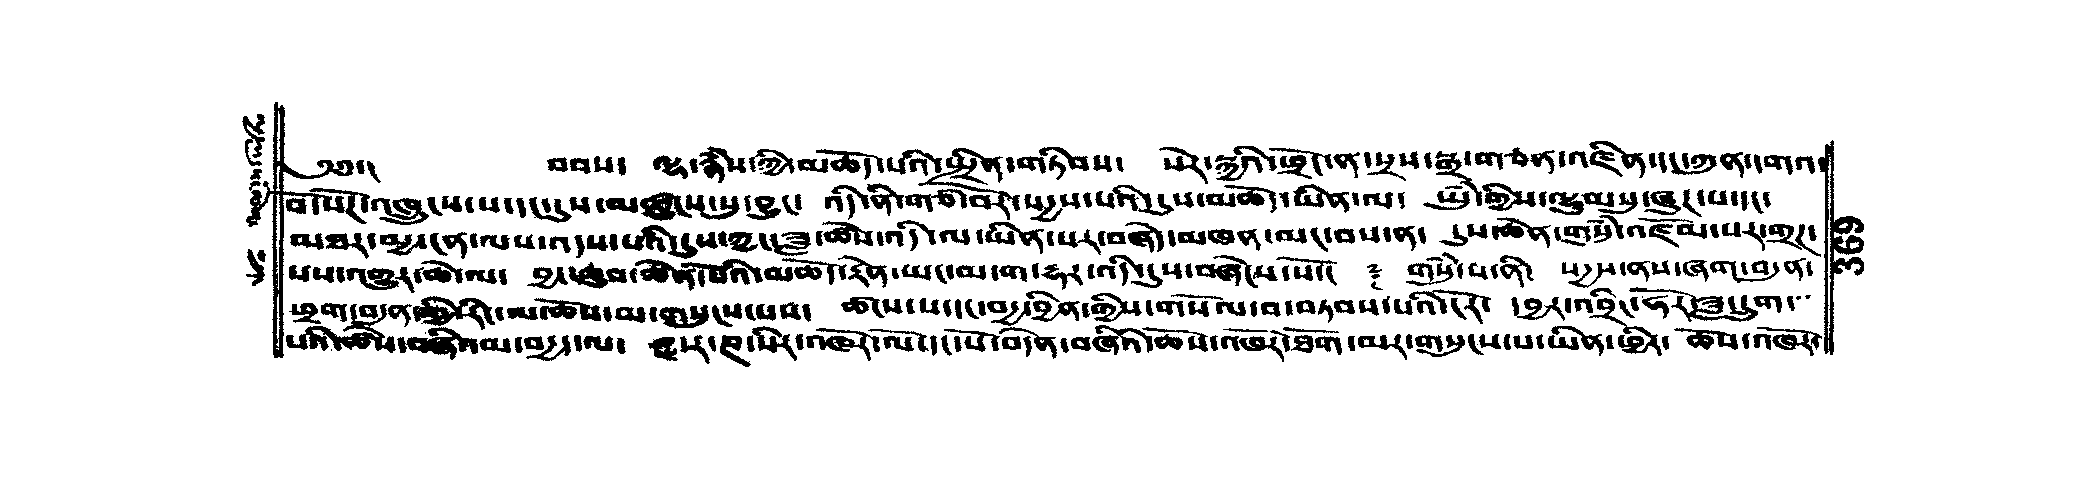བབས། ལྷ་རྣམས་ཀྱི་མཆོད་པའི་སྤྲིན་གཏིབས། སེར་སྐྱའི་ཕོ་བྲང་ན་སྲས་སྒྲ་གཅན་འཛིན་དང་ཀུན་དགའ་
བོ་སོགས་འཁྲུངས་པ་དང་དུས་མཚུངས་སུ་བྱུང་། འདི་ནི་གཙོ་བོར་སངས་རྒྱས་པའི་དུས་མཆོད་ཡིན་ལ། ཡུམ་གྱི་ལྷུམས་སུ་ཞུགས་པ་དང་། 
མཐར་མྱ་ངན་ལས་འདས་པའི་དུས་ཀྱང་ཟླ་ཞཚས་འདི་ལ་ཡིན་པར་བཞེད་མཁན་མང་བས་ན། དུས་ཆེན་གསུམ་འཛོམ་པར་གྲགས་
པས་འགྱུར་ཆེ་ལ། བྱང་ཆུབ་ཆེན་པོའི་མཆོད་རྟེན་ཡང་མ་ག་དྷར་འདི་དུས་བཞེངས་སོ།། ༈ གསུམ་པ་ནི། སངས་རྒྱས་ནས་ཞག་བདུན་
ཕྲག་བདུན་གྱི་རིང་ཆོས་མ་གསུངས་པས། ཚངས་པ་དང་བརྒྱ་བྱིན་གྱིས་གསོལ་བ་བཏབ་པའི་ངོར། དབྱར་འབྲིང་ཧོར་ཟླ་དྲུག་
པའི་ཚེས་བཞིའམ་བརྒྱད་ལ། ཝ་ར་ཎ་སིར་འཁོར་ལོ་དང་པོ་བདེན་བཞིའི་ཆོས་འཁོར་ཐོག་མར་གསུངས་པ་ཡིན་ཕྱིར།ཆོས་འཁོར་